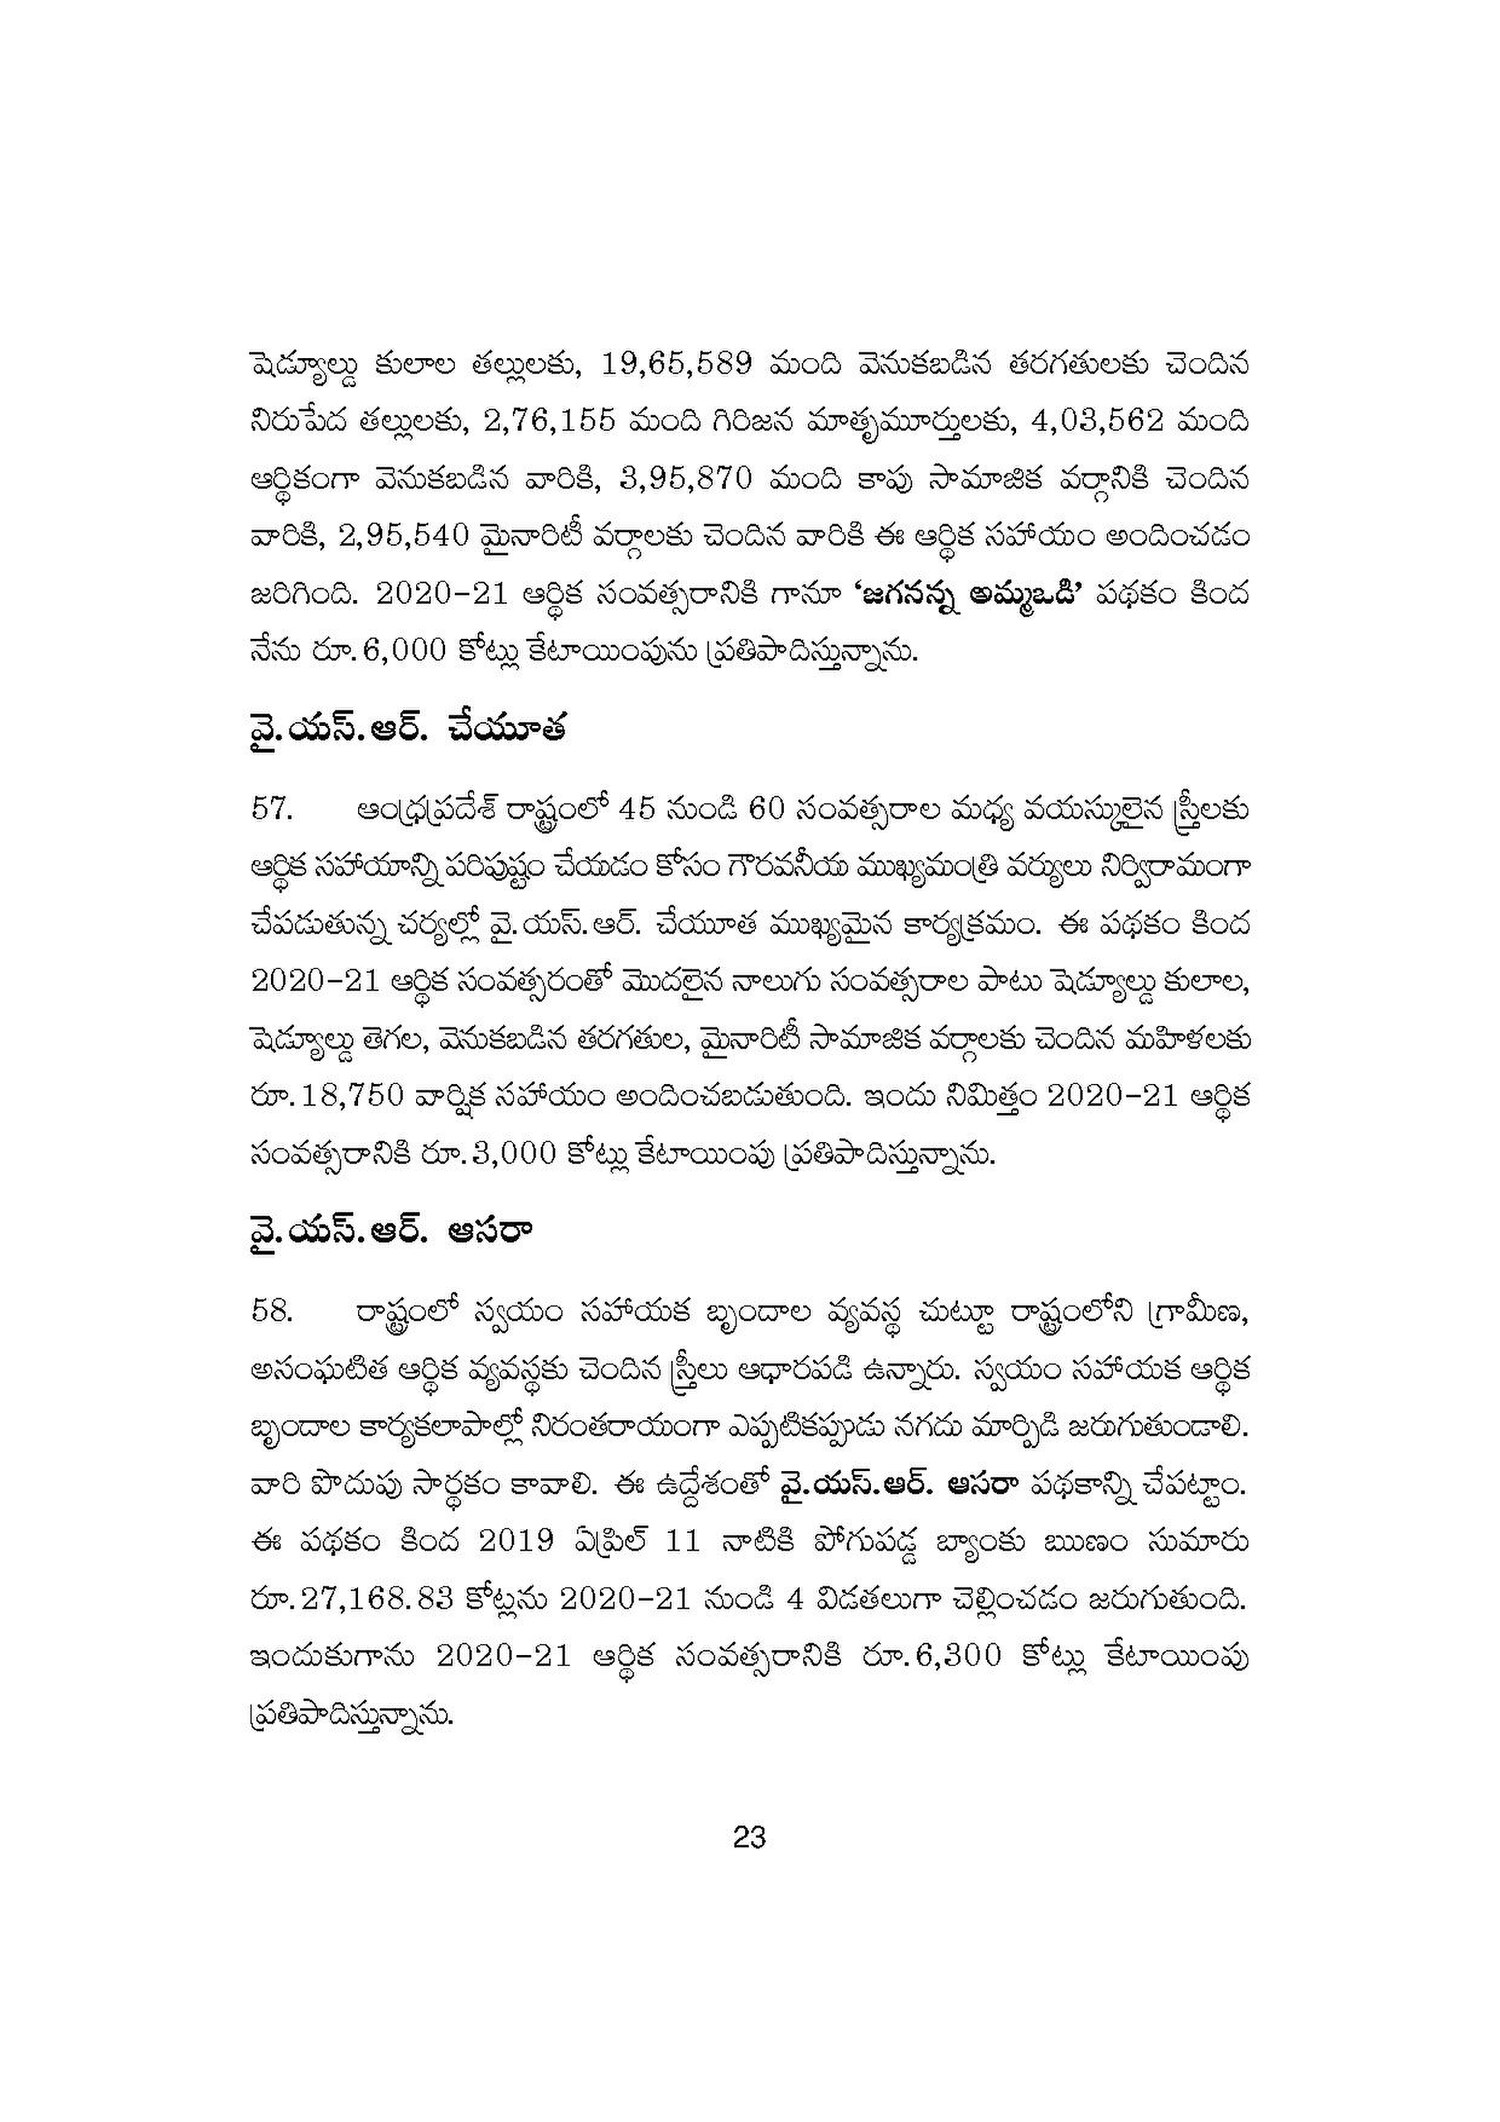షెడ్యూల్డు కులాల తల్లులకు, 19,65,589 మంది వెనుకబడిన తరగతులకు చెందిన నిరుపేద తల్లులకు, 2,76,155 మంది గిరిజన మాతృమూర్తులకు, 4,03,562 మంది ఆర్థికంగా వెనుకబడిన వారికి, 3,95,870 మంది కాపు సామాజిక వర్గానికి చెందిన వారికి, 2,95,540 మైనారిటీ వర్గాలకు చెందిన వారికి ఈ ఆర్థిక సహాయం అందించడం జరిగింది. 2020-21 ఆర్థిక సంవత్సరానికి గానూ 'జగనన్న అమ్మఒడి' పథకం కింద నేను రూ. 6,000 కోట్లు కేటాయింపును ప్రతిపాదిస్తున్నాను. 

వై.యస్.ఆర్. చేయూత 

57. ఆంధ్రప్రదేశ్ రాష్ట్రంలో 45 నుండి 60 సంవత్సరాల మధ్య వయస్కులైన స్త్రీలకు ఆర్థిక సహాయాన్ని పరిపుష్టం చేయడం కోసం గౌరవనీయ ముఖ్యమంత్రి వర్యులు నిర్విరామంగా చేపడుతున్న చర్యల్లో వై.యస్.ఆర్. చేయూత ముఖ్యమైన కార్యక్రమం. ఈ పథకం కింద 2020-21 ఆర్థిక సంవత్సరంతో మొదలైన నాలుగు సంవత్సరాల పాటు షెడ్యూల్డు కులాల, షెడ్యూల్డు తెగల, వెనుకబడిన తరగతుల, మైనారిటీ సామాజిక వర్గాలకు చెందిన మహిళలకు రూ.18,750 వార్షిక సహాయం అందించబడుతుంది. ఇందు నిమిత్తం 2020-21 ఆర్థిక సంవత్సరానికి రూ.3,000 కోట్లు కేటాయింపు ప్రతిపాదిస్తున్నాను. 

వై.యస్.ఆర్. ఆసరా 

58. రాష్ట్రంలో స్వయం సహాయక బృందాల వ్యవస్థ చుట్టూ రాష్ట్రంలోని గ్రామీణ, అసంఘటిత ఆర్థిక వ్యవస్థకు చెందిన స్త్రీలు ఆధారపడి ఉన్నారు. స్వయం సహాయక ఆర్థిక బృందాల కార్యకలాపాల్లో నిరంతరాయంగా ఎప్పటికప్పుడు నగదు మార్పిడి జరుగుతుండాలి. వారి పొదుపు సార్థకం కావాలి. ఈ ఉద్దేశంతో వై.యస్.ఆర్. ఆసరా పథకాన్ని చేపట్టాం. ఈ పథకం కింద 2019 ఏప్రిల్ 11 నాటికి పోగుపడ్డ బ్యాంకు ఋణం సుమారు రూ.27,168.83 కోట్లను 2020-21 నుండి 4 విడతలుగా చెల్లించడం జరుగుతుంది. ఇందుకుగాను 2020-21 ఆర్థిక సంవత్సరానికి రూ. 6,300 కోట్లు కేటాయింపు ప్రతిపాదిస్తున్నాను.